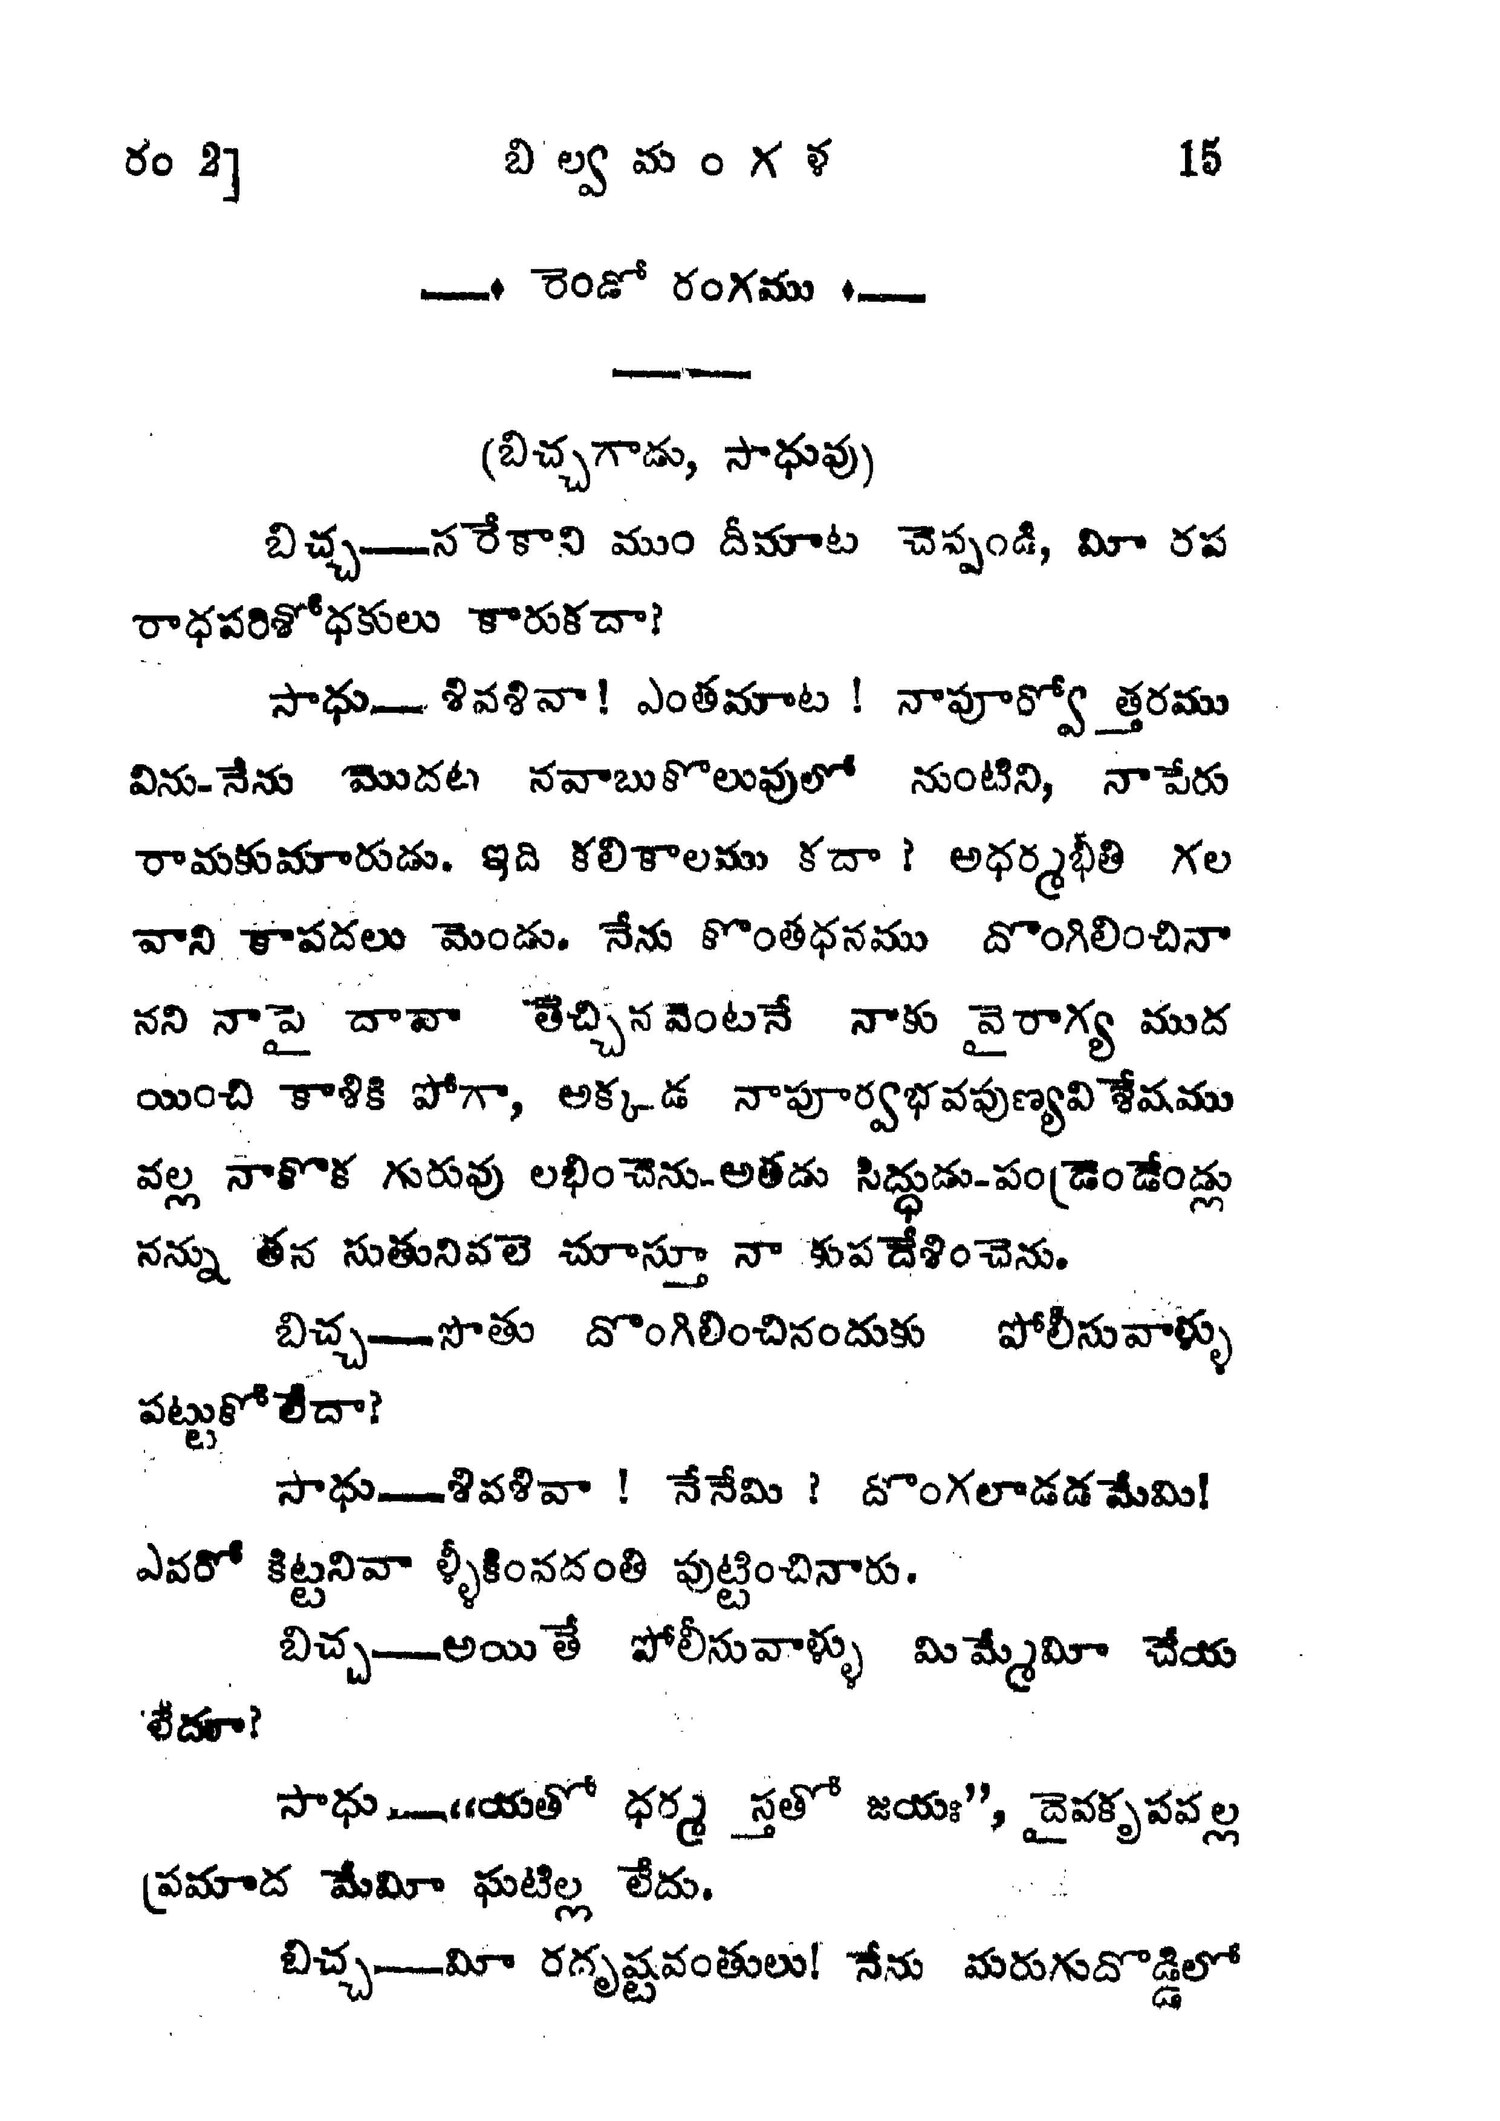బిచ్చ - సరేకాని ముం దీమాట చెప్పండి, మీ రపరాధపరిశోధకులు కారుకదా?

సాధు - శివశివా! ఎంతమాట ! నాపూర్వోత్తరము విను - నేను మొదట నవాబుకొలువులో నుంటిని, నాపేరు రామకుమారుడు. ఇది కలికాలము కదా ! అధర్మభీతి గలవాని కాపదలు మెండు. నేను కొంతధనము దొంగిలించినానని నాపై దావా తెచ్చినవెంటనే నాకు వైరాగ్య ముదయించి కాశికి పోగా, అక్కడ నాపూర్వభవపుణ్యవిశేషము వల్ల నాకొక గురువు లభించెను - అతడు సిద్ధుడు - పండ్రెండేండ్లు నన్ను తన సుతునివలె చూస్తూ నా కుపదేశించెను.

బిచ్చ - సొత్తు దొంగిలించినందుకు పోలీసువాళ్ళు పట్టుకోలేదా?

సాధు - శివశివా ! నేనేమి ? దొంగలాడడమేమి! ఎవరో కిట్టనివా ళ్ళీకింవదంతి పుట్టించినారు.

బిచ్చ - అయితే పోలీసువాళ్ళు మిమ్మేమీ చేయలేదూ?

సాధు - "యతో ధర్మ స్తతో జయ:", దైవకృపవల్ల ప్రమాద మేమీ ఘటిల్ల లేదు.

బిచ్చ - మీ రదృష్టవంతులు! నేను మరుగుదొడ్డిలో